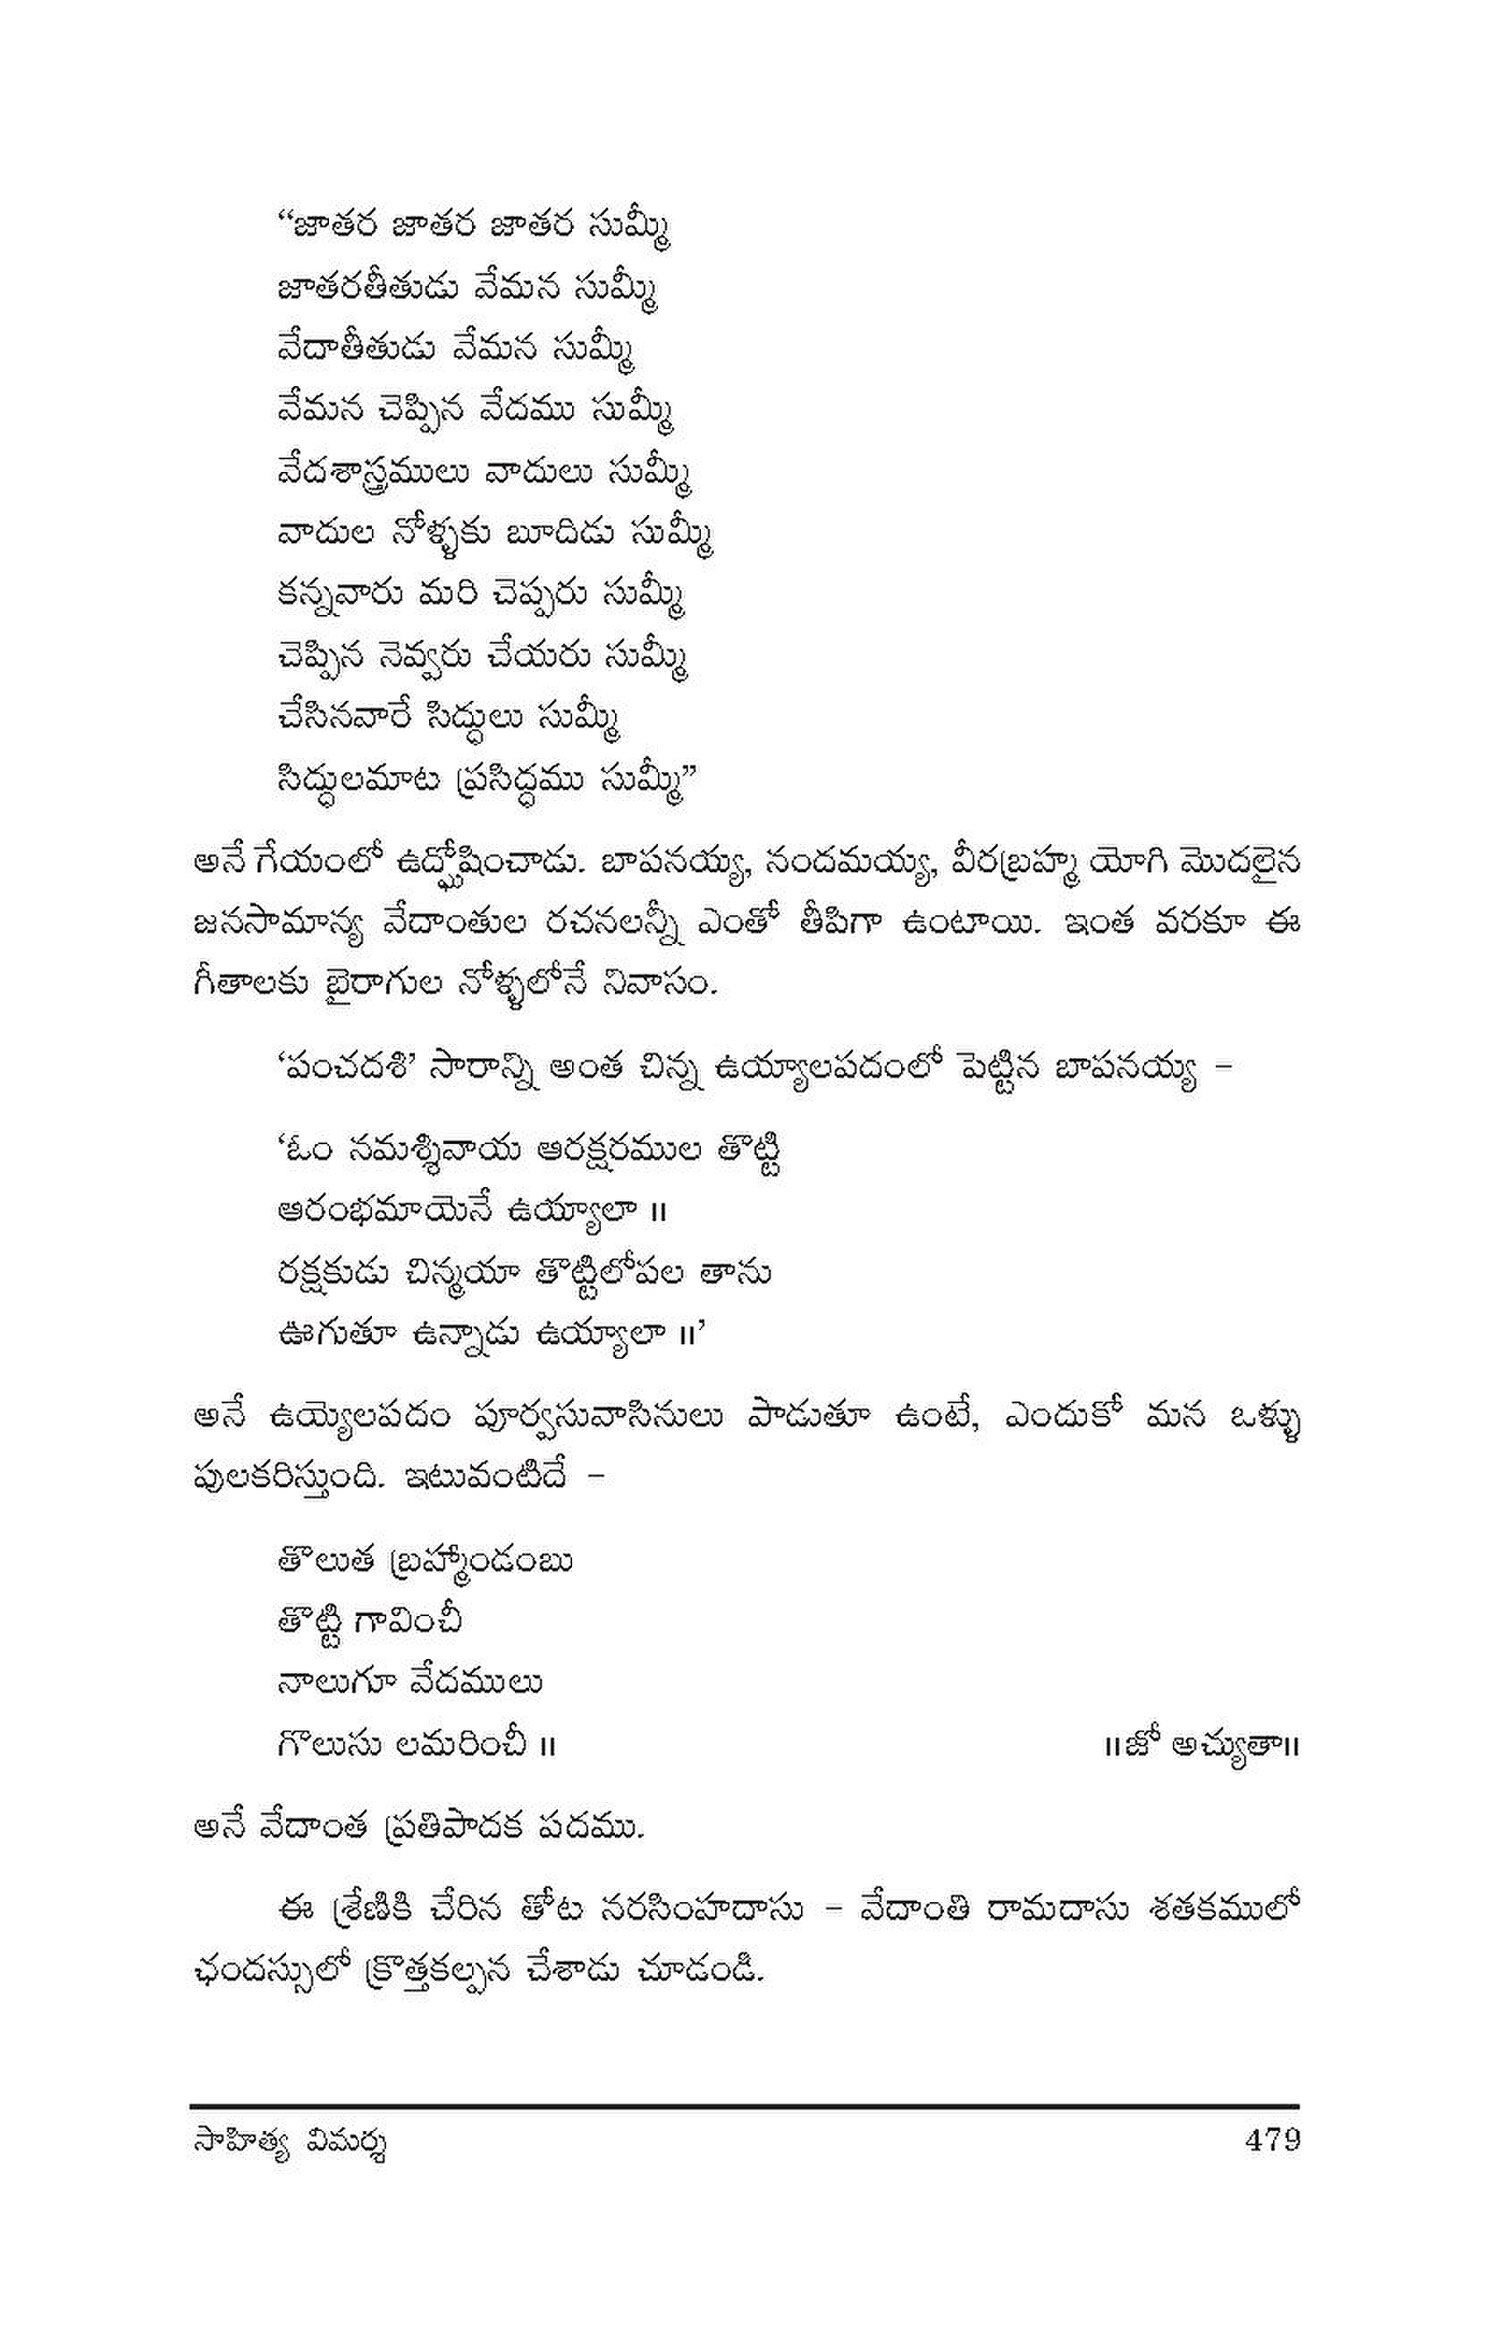"జాతర జాతర జాతర సుమ్మీ
జాతరతీతుడు వేమన సుమ్మీ
వేదాతీతుడు వేమన సుమ్మీ
వేమన చెప్పిన వేదము సుమ్మీ
వేదశాస్త్రములు వాదులు సుమ్మీ
వాదుల నోళ్ళకు బూదిడు సుమ్మీ
కన్నవారు మరి చెప్పరు సుమ్మీ
చెప్పిన నెవ్వరు చేయరు సుమ్మీ
చేసినవారే సిద్దులు సుమ్మీ
సిద్ధులమాట ప్రసిద్ధము సుమ్మీ”

అనే గేయంలో ఉదోషించాడు. బాపనయ్య, నందమయ్య, వీరబ్రహ్మ యోగి మొదలైన
జనసామాన్య వేదాంతుల రచనలన్నీ ఎంతో తీపిగా ఉంటాయి. ఇంత వరకూ ఈ
గీతాలకు బైరాగుల నోళ్ళలోనే నివాసం.

'పంచదశి' సారాన్ని అంత చిన్న ఉయ్యాలపదంలో పెట్టిన బాపనయ్య -

'ఓం నమశ్శివాయ ఆరక్షరముల తొట్టి
ఆరంభమాయెనే ఉయ్యాలా ॥
రక్షకుడు చిన్మయా తొట్టిలోపల తాను
ఊగుతూ ఉన్నాడు ఉయ్యాలా ॥'

అనే ఉయ్యెలపదం పూర్వసువాసినులు పాడుతూ ఉంటే, ఎందుకో మన ఒళ్ళు
పులకరిస్తుంది. ఇటువంటిదే

తొలుత బ్రహ్మాండంబు
తొట్టి గావించీ
నాలుగూ వేదములు
గొలుసు లమరించీ ॥ ||జో అచ్యుతా||

అనే వేదాంత ప్రతిపాదక పదము.

ఈ శ్రేణికి చేరిన తోట నరసింహదాసు వేదాంతి రామదాసు శతకములో
ఛందస్సులో క్రొత్తకల్పన చేశాడు చూడండి.